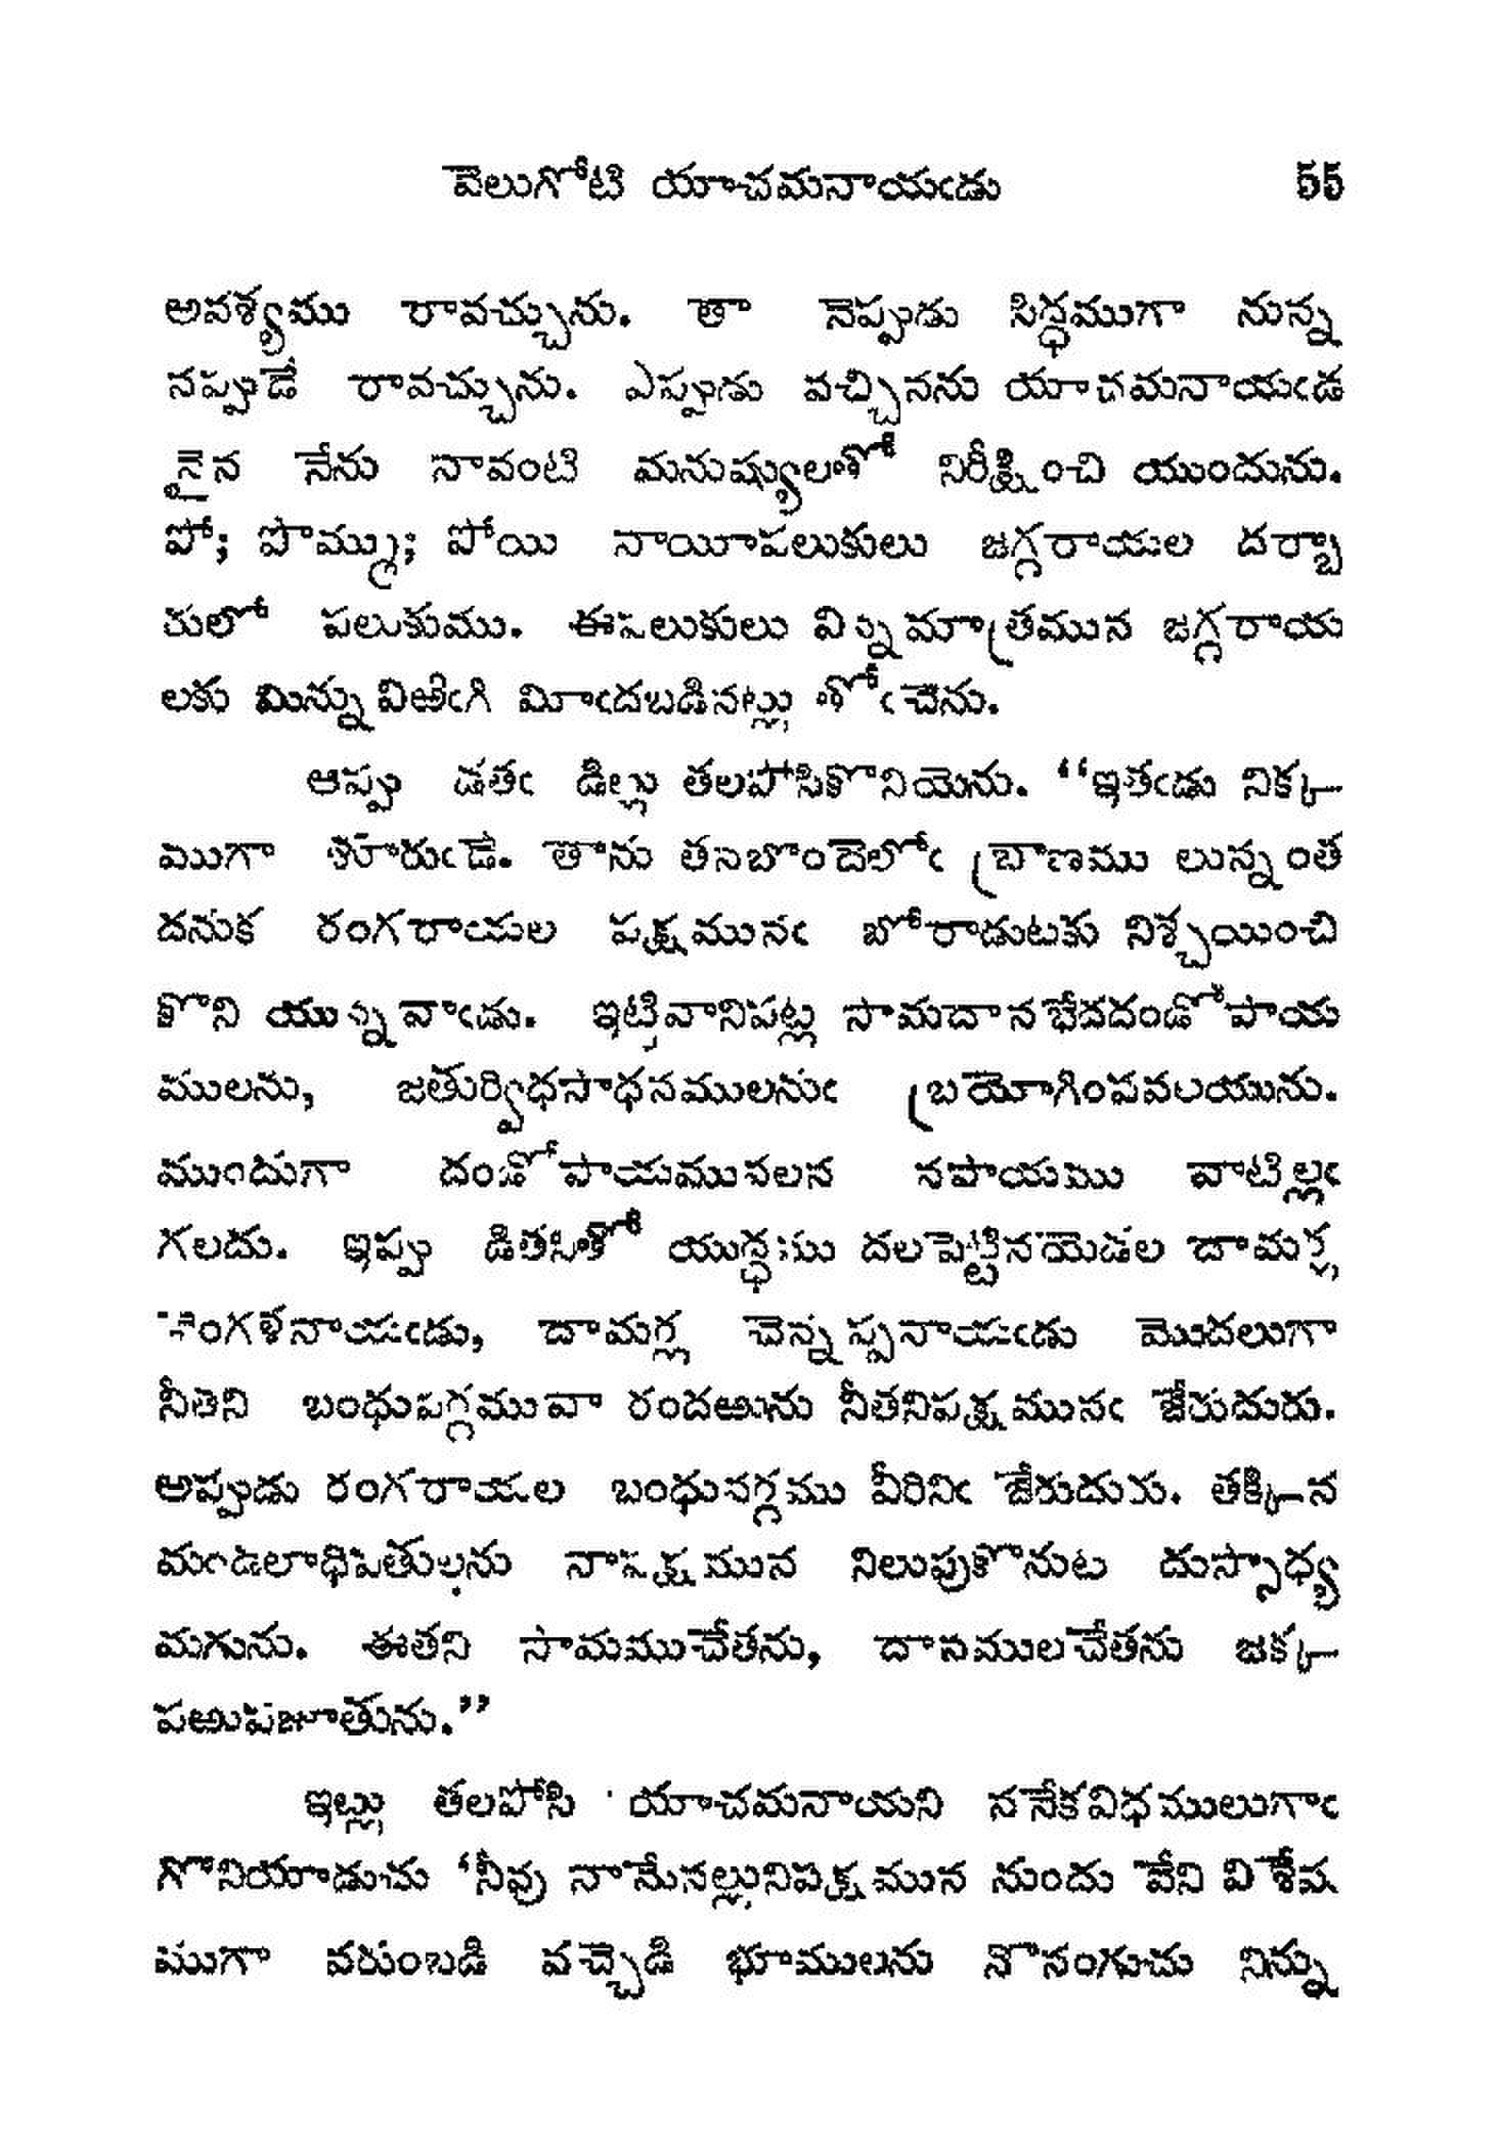అవశ్యము రావచ్చును. తా నెప్పుడు సిద్ధముగా నున్న నప్పుడే రావచ్చును. ఎప్పుడు వచ్చినను యాచమనాయఁడ నైన నేను నావంటి మనుష్యులతో నిరీక్షించి యుందును. పో; పొమ్ము; పోయి నాయీపలుకులు జగ్గరాయల దర్బారులో పలుకుము. ఈపలుకులు విన్నమాత్రమున జగ్గరాయలకు మిన్నువిఱిఁగి మీఁదబడినట్లు తోఁచెను.

అప్పు డతఁ డిట్లు తలపోసికొనియెను. "ఇతఁడు నిక్కముగా శూరుఁడే. తాను తనబొందెలోఁ బ్రాణము లున్నంత దనుక రంగరాయల పక్షమునఁ బోరాడుటకు నిశ్చయించి కొని యున్నవాఁడు. ఇట్టివానిపట్ల సామదానభేదదండోపాయములను, జతుర్విధసాధనములనుఁ బ్రయోగింపవలయును. ముందుగా దండోపాయమువలన నపాయము వాటిల్లఁ గలదు. ఇప్పు డితనితో యుద్ధము దలపెట్టినయెడల దామర్ల వెంగళనాయఁడు, దామర్ల చెన్నప్పనాయఁడు మొదలుగా నీతని బంధువర్గమువా రందఱును నీతనిపక్షమునఁ జేరుదురు. అప్పుడు రంగరాయల బంధువర్గము వీరినిఁ జేరుదురు. తక్కిన మండలాధిపతులను నాపక్షమున నిలుపుకొనుట దుస్సాధ్యమగును. ఈతని సామముచేతను, దానములచేతను జక్కపఱుపజూతును."

ఇట్లు తలపోసి యాచమనాయని ననేకవిధములుగాఁ గొనియాడుచు 'నీవు నామేనల్లునిపక్షమున నుందు వేని విశేషముగా వరుంబడి వచ్చెడి భూములను నొసంగుచు నిన్ను